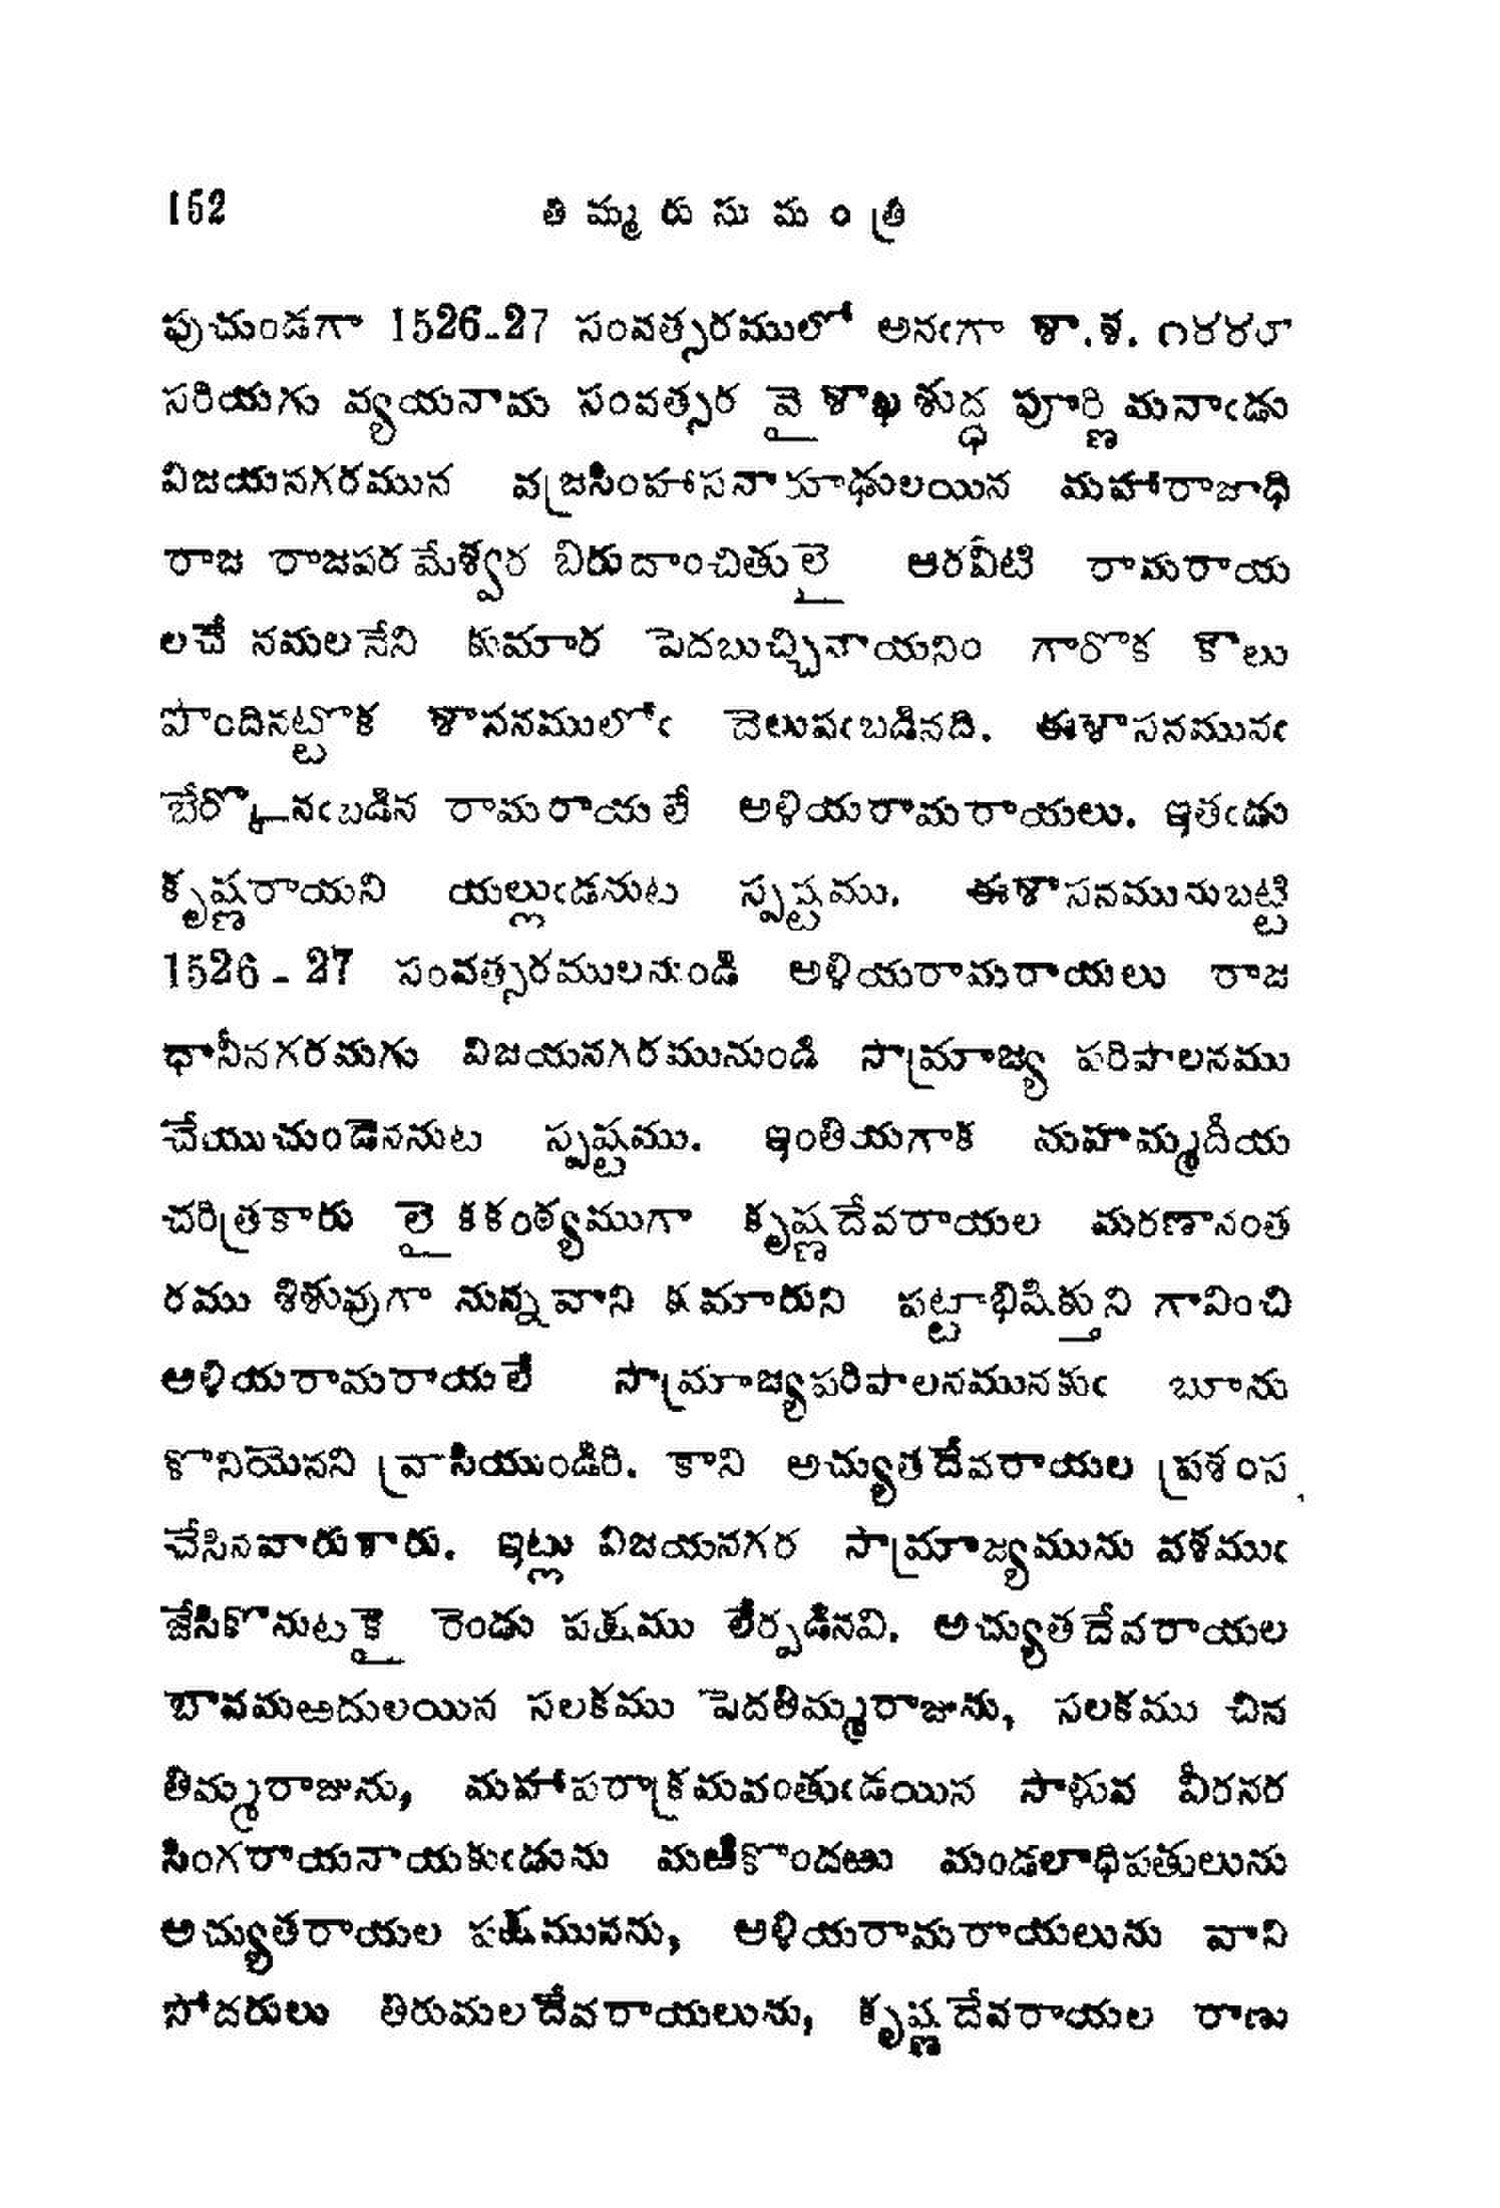పుచుండగా 1526.27 సంవత్సరములో అనఁగా శా.శ. 1448 సరియగు వ్యయనామ సంవత్సర వైశాఖశుద్ధ పూర్ణిమనాఁడు విజయనగరమున వజ్రసింహాసనారూఢులయిన మహారాజాధిరాజ రాజపరమేశ్వర బిరుదాంచితులై ఆరవీటి రామరాయలచే నమలనేని కుమార పెదబుచ్చినాయనిం గారొక కౌలుపొందినట్టొక శాసనములోఁ దెలుపఁబడినది. ఈశాసనమునఁ బేర్కొనఁబడిన రామరాయలే అళియరామరాయలు. ఇతఁడు కృష్ణరాయని యల్లుఁడనుట స్పష్టము. ఈశాసనమునుబట్టి 1526 - 27 సంవత్సరములనుండి అళియరామరాయలు రాజధానీనగరమగు విజయనగరమునుండి సామ్రాజ్య పరిపాలనము చేయుచుండెననుట స్పష్టము. ఇంతియగాక మహమ్మదీయ చరిత్రకారు లై కకంఠ్యముగా కృష్ణదేవరాయల మరణానంతరము శిశువుగా నున్నవాని కుమారుని పట్టాభిషిక్తుని గావించి ఆళియరామరాయలే సామ్రాజ్యపరిపాలనమునకుఁ బూనుకొనియెనని వ్రాసియుండిరి. కాని అచ్యుతదేవరాయల ప్రశంస చేసినవారుకారు. ఇట్లు విజయనగర సామ్రాజ్యమును వశముఁ జేసికొనుటకై రెండు పక్షము లేర్పడినవి. అచ్యుతదేవరాయల బావమఱదులయిన సలకము పెదతిమ్మరాజును, సలకము చినతిమ్మరాజును, మహాపరాక్రమవంతుఁడయిన సాళువ వీరనరసింగరాయనాయకుఁడును మఱికొందఱు మండలాధిపతులును అచ్యుతరాయల పక్షమునను, అళియరామరాయలును వానిసోదరులు తిరుమలదేవరాయలును, కృష్ణదేవరాయల రాణు